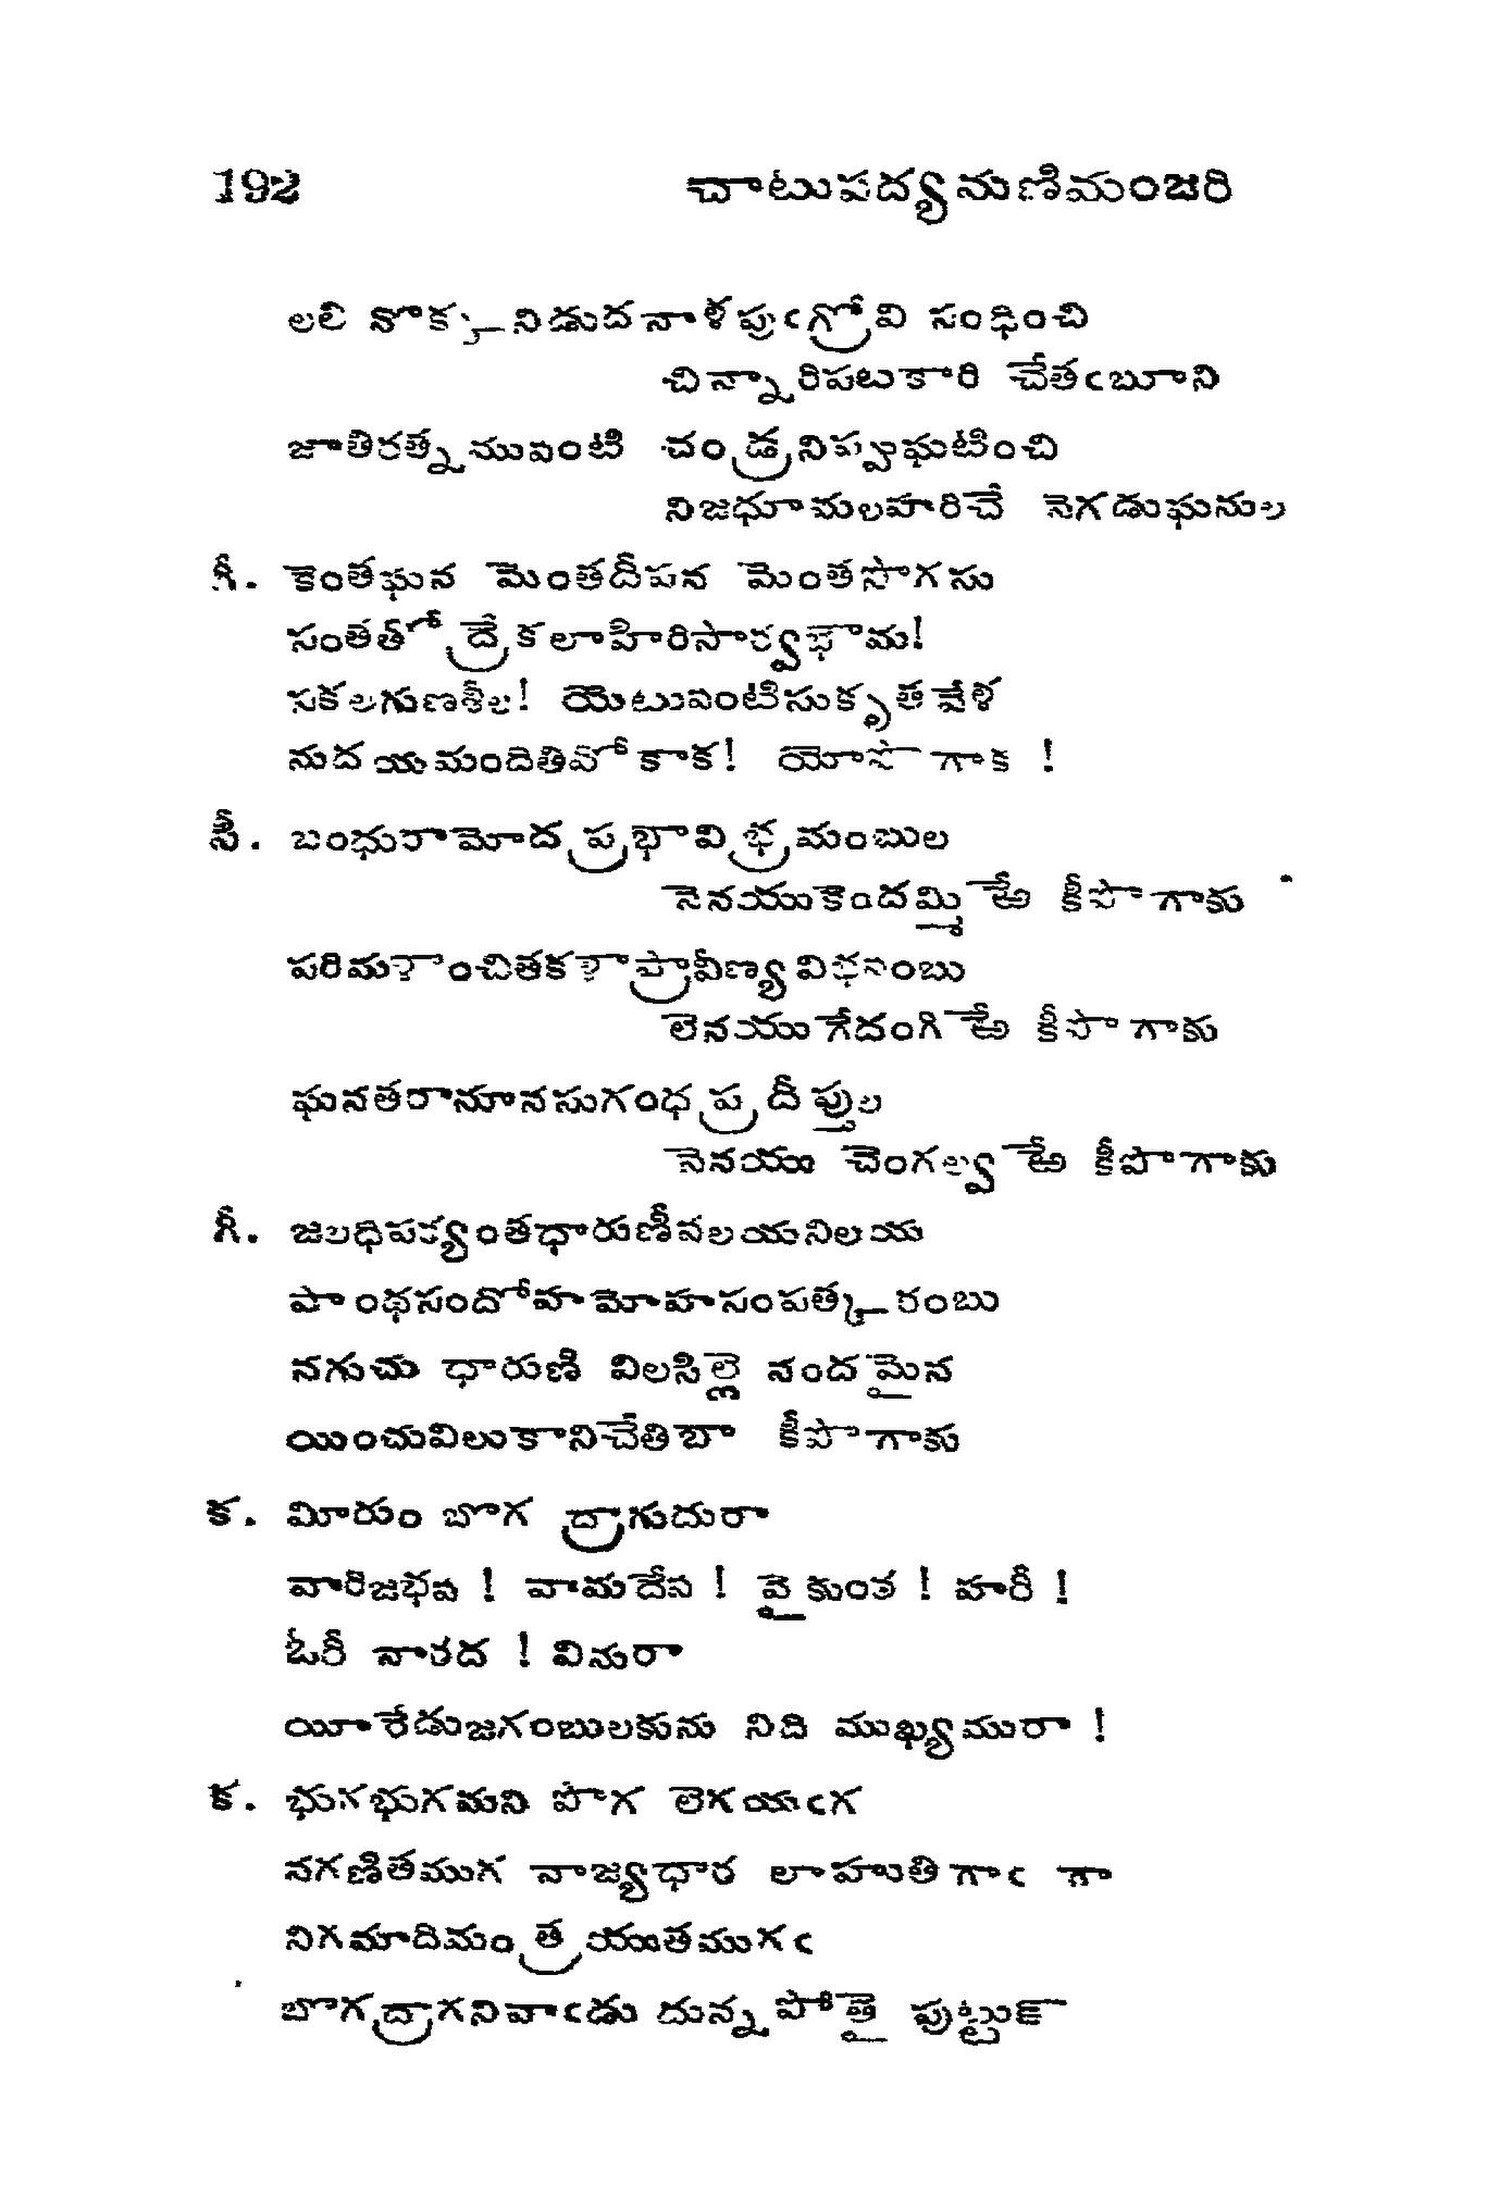లలి నొక్కనిడుదనాళపుఁ గ్రోవి సంధించి
 చిన్నారిపటకారి చేతఁబూని
 జాతిరత్నమువంటి చండ్రనిప్పు ఘటించి
 నిజధూమలహరిచే నెగడు ఘనుల
గీ. కెంతఘన మెంతదీపన మెంక సొగసు
 సంతతోద్రేకలాహిరిసార్వభౌమ!
 సకలగుణశీల! యెటువంటి సుకృతవేళ
 నుదయమందితివో కాక! యో పొగాక!
సీ. బంధురామోదప్రభవిభ్రమంబుల
 నెనయు కెందమ్మిఱే కీపొగాకు
 పరిమళాంచితకళాప్రావీణ్యవిభవంబు
 లెనయు గేదంగిఱే కీపొగాకు
 ఘనతనూరానసుగంధప్రదీప్తుల
 నెనయు చెంగల్వఱే కీపొగాకు
గీ. జలధిపర్యంతధారుణీవలయనిలయ
 పాంథసందోహమోహసంపత్కరంబు
 నగుచు ధారుణి విలసిల్లె నందమైన
 యించువిలుకాని చేతిబా కీపొగాకు.
క. మీరుం బొగ ద్రాగుదురా
 వారిజభవ! వామదేవ! వైకుంఠ! హరీ!
 ఓరీ నారద! వినురా
 యీరెడుజగంబులకును నిది ముఖ్యమురా!
క. భుగభుగమని పొగ లెగయఁగ
 నగణితముగ నాజ్యధార లాహుతిగాఁగా
 నిగమాదిమంత్రయుతముగఁ
 బొగద్రాగనివాఁడు దున్నపోతై పుట్టున్.